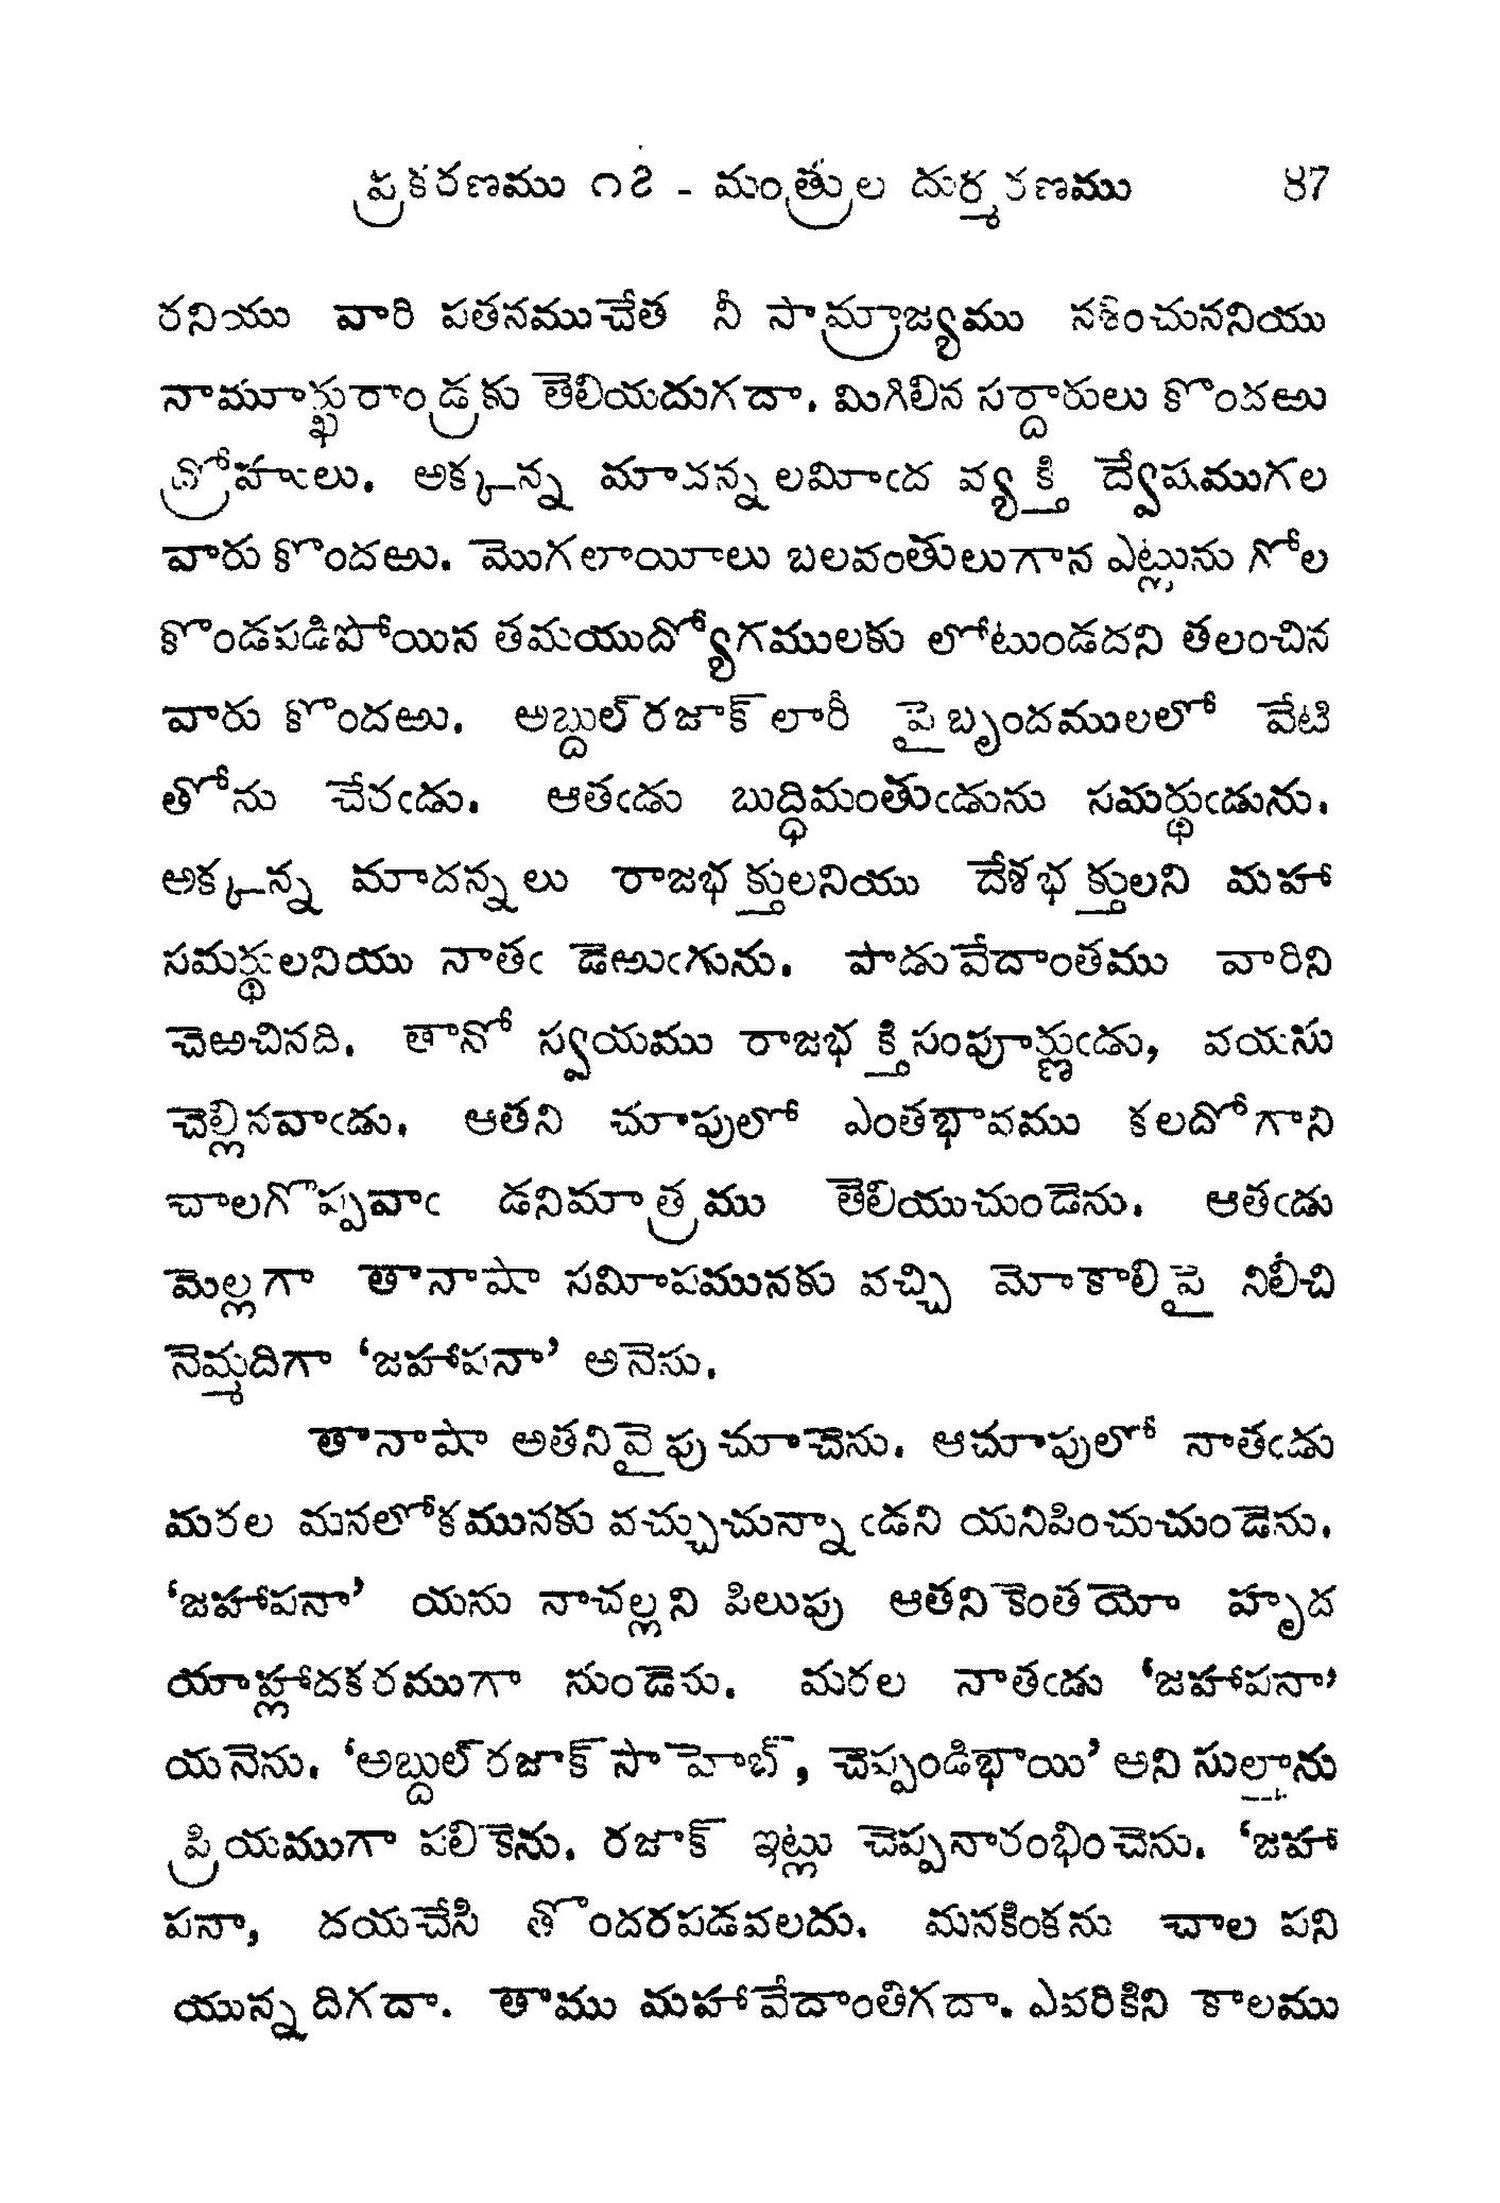రనియు వారి పతనముచేత నీ సామ్రాజ్యము నశించుననియు నామూర్ఖురాండ్రుకు తెలియదుగదా. మిగిలిన సర్దారులు కొందఱు ద్రోహులు. అక్కన్న మాదన్నలమీఁద వ్యక్తి ద్వేషముగల వారు కొందఱు. మొగలాయీలు బలవంతులుగాన ఎట్లును గోలకొండపడిపోయిన తమయుద్యోగములకు లోటుండదని తలంచిన వారు కొందఱు. అబ్దుల్‌రజాక్‌లారీ పైబృందములలో వేటితోను చేరఁడు. ఆతఁడు బుద్ధిమంతుఁడును సమర్థుఁడును. అక్కన్న మాదన్నలు రాజభక్తులనియు దేశభక్తులని మహాసమర్థులనియు నాతఁ డెఱుఁగును. పాడువేదాంతము వారిని చెఱచినది. తానో స్వయము రాజభక్తిసంపూర్ణుఁడు, వయసు చెల్లినవాఁడు. ఆతని చూపులో ఎంతభావము కలదోగాని చాలగొప్పవాఁ డనిమాత్రము తెలియుచుండెను. ఆతఁడు మెల్లగా తానాషా సమీపమునకు వచ్చి మోకాలిపై నిలిచి నెమ్మదిగా ‘జహాపనా’ అనెను.

తానాషా అతనివైపు చూచెను. ఆచూపులో నాతఁడు మరల మనలోకమునకు వచ్చుచున్నాఁడని యనిపించుచుండెను. ‘జహాపనా’ యను నాచల్లని పిలుపు ఆతనికెంతయో హృదయాహ్లాదకరముగా నుండెను. మరల నాతఁడు ‘జహాపనా’ యనెను. ‘అబ్దుల్ రజాక్ సాహెబ్, చెప్పండిభాయి’ అని సుల్తాను ప్రియముగా పలికెను. రజాక్ ఇట్లు చెప్పనారంభించెను. ‘జహాపనా, దయచేసి తొందరపడవలదు. మనకింకను చాల పని యున్నదిగదా. తాము మహావేదాంతిగదా. ఎవరికిని కాలము